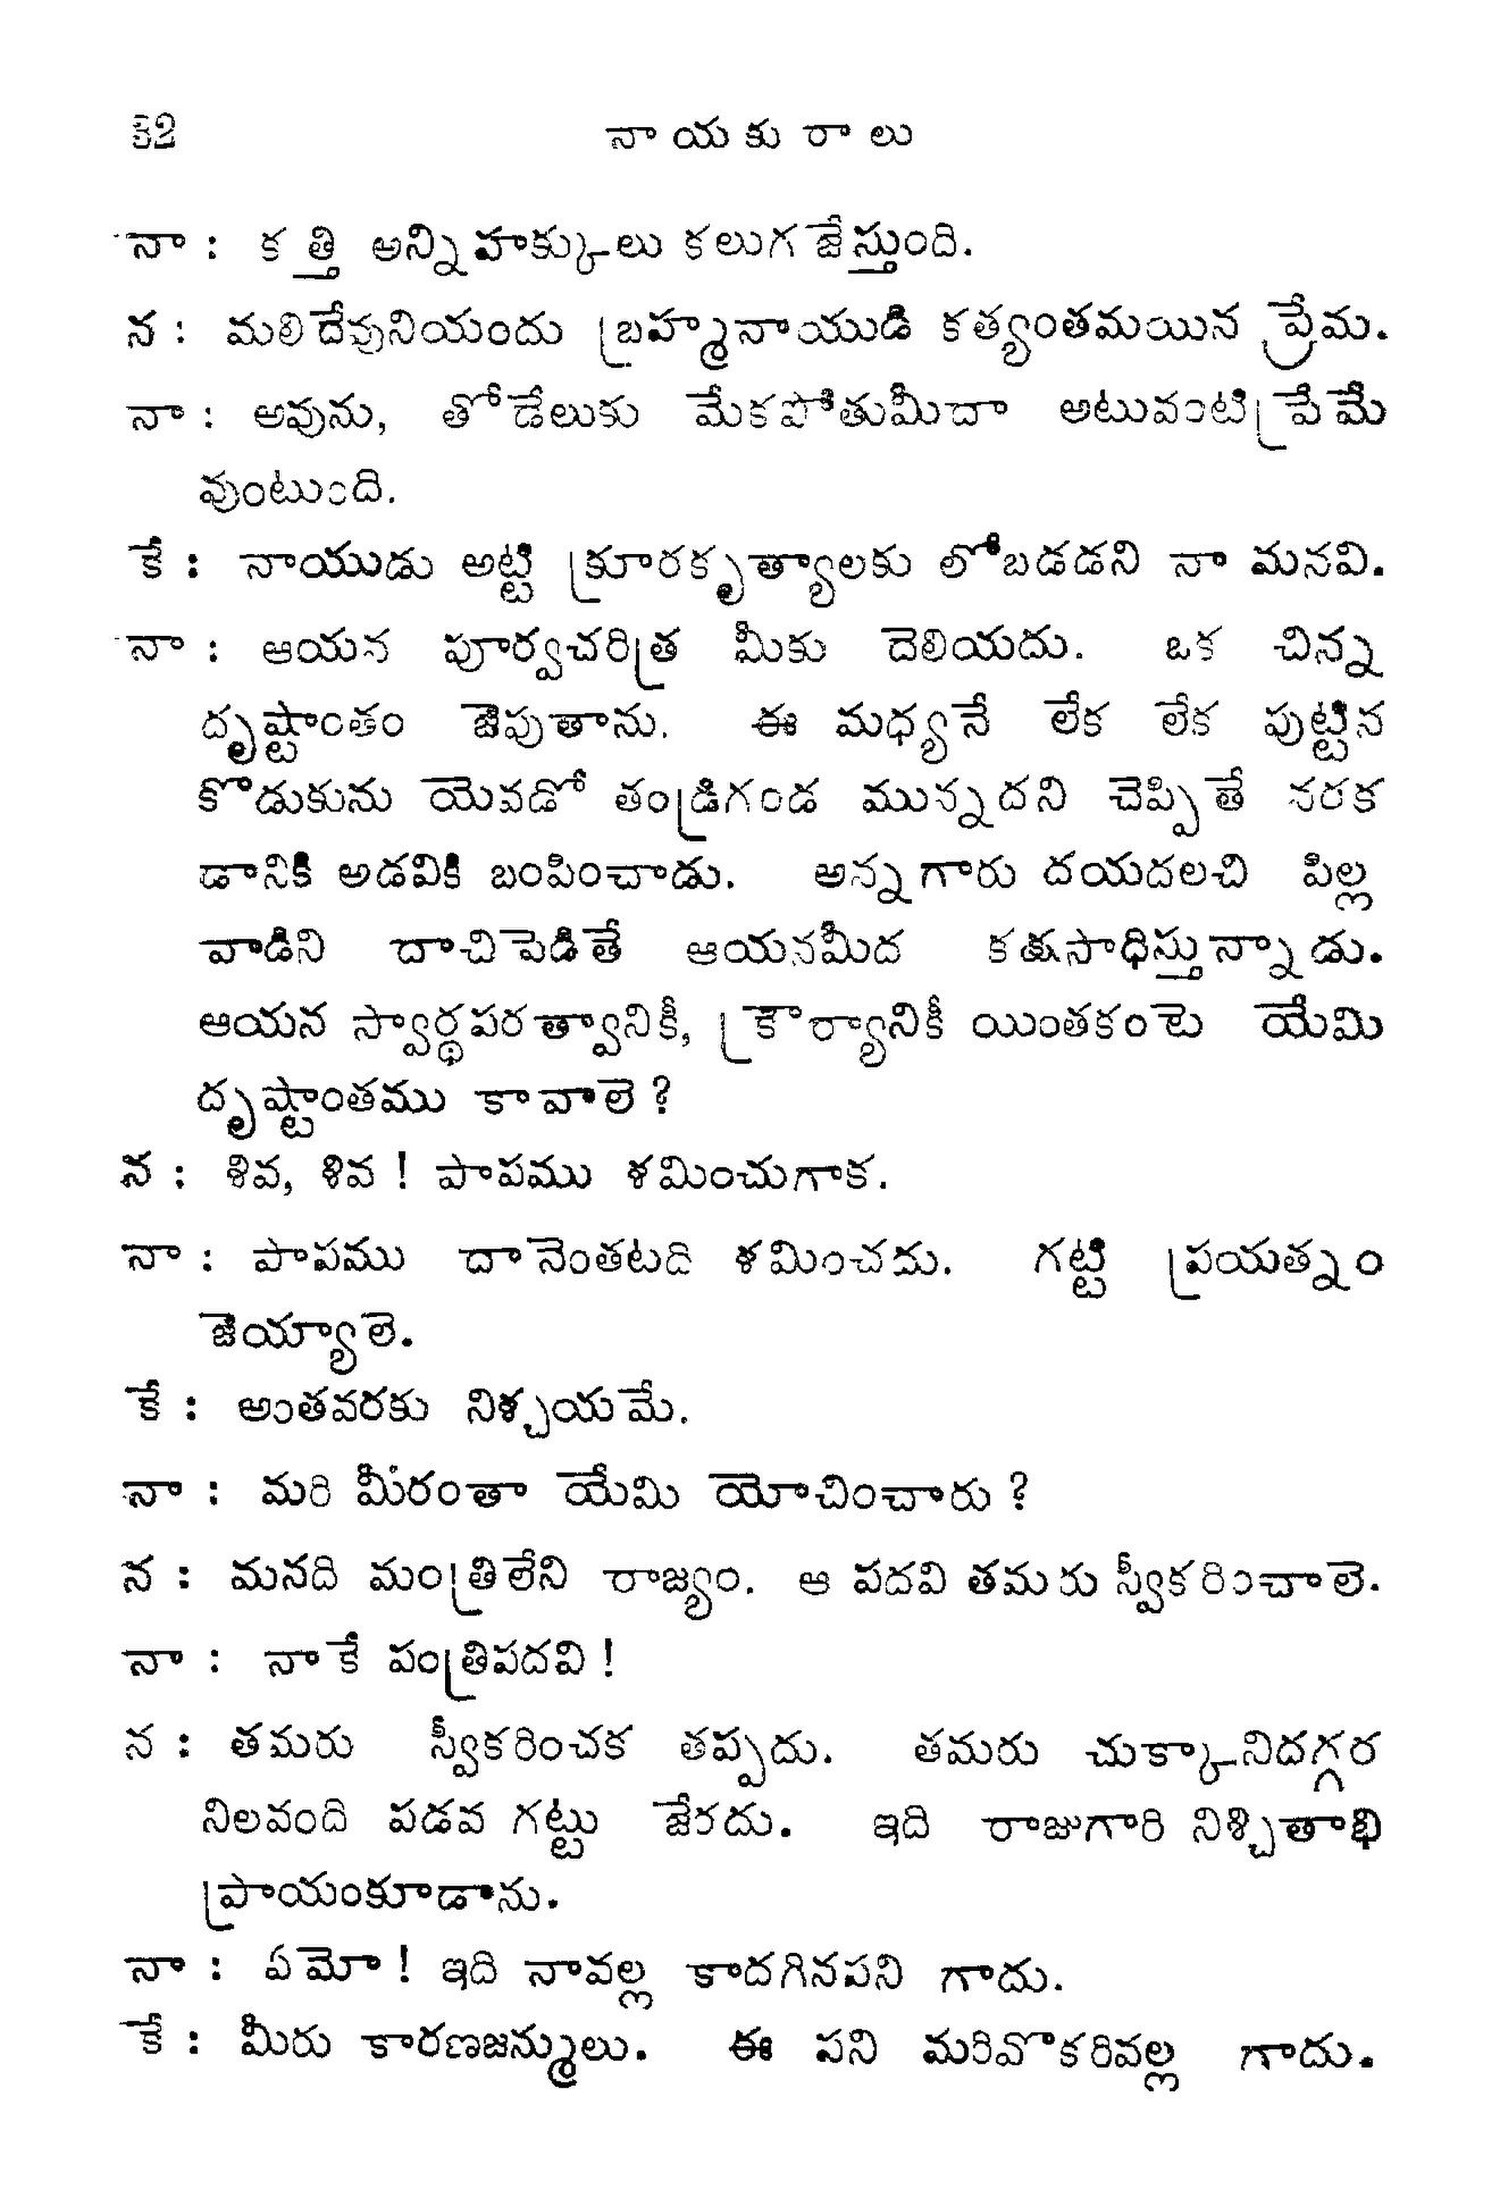నా : కత్తి అన్నిహక్కులు కలుగజేస్తుంది.

న : మలిదేవునియందు బ్రహ్మనాయుడి కత్యంతమయిన ప్రేమ.

నా : అవును, తోడేలుకు మేకపోతుమీదా అటువంటిప్రేమే వుంటుంది.

కే : నాయుడు అట్టి క్రూరకృత్యాలకు లోబడడని నా మనవి.

నా : ఆయన పూర్వచరిత్ర మీకు దెలియదు. ఒక చిన్న దృష్టాంతం జెపుతాను. ఈ మధ్యనే లేక లేక పుట్టిన కొడుకును యెవడో తండ్రిగండ మున్నదని చెప్పితే నరకడానికి అడవికి బంపించాడు. అన్నగారు దయదలచి పిల్లవాడిని దాచిపెడితే ఆయనమీద కక్ష సాధిస్తున్నాడు. ఆయన స్వార్థపరత్వానికీ, కౌర్యానికీ యింతకంటె యేమి దృష్టాంతము కావాలి?

న; శివ, శివ ! పాపము శమించుగాక.

నా : పాపము దానెంతటది శమించదు. గట్టి ప్రయత్నం జెయ్యాలె.

కే : అంతవరకు నిశ్చయమే.

నా : మరి మీరంతా యేమి యోచించారు ?

న : మనది మంత్రిలేని రాజ్యం. ఆ పదవి తమరు స్వీకరించాలె.

నా : నాకే పంత్రిపదవి !

న : తమరు స్వీకరించక తప్పదు. తమరు చుక్కానిదగ్గర నిలవంది పడవ గట్టు జేరదు. ఇది రాజుగారి నిశ్చితాభిప్రాయంకూడాను.

నా : ఏమో ! ఇది నావల్ల కాదగినపని గాదు.

కే : మీరు కారణజన్ములు. ఈ పని మరివొకరివల్ల గాదు.